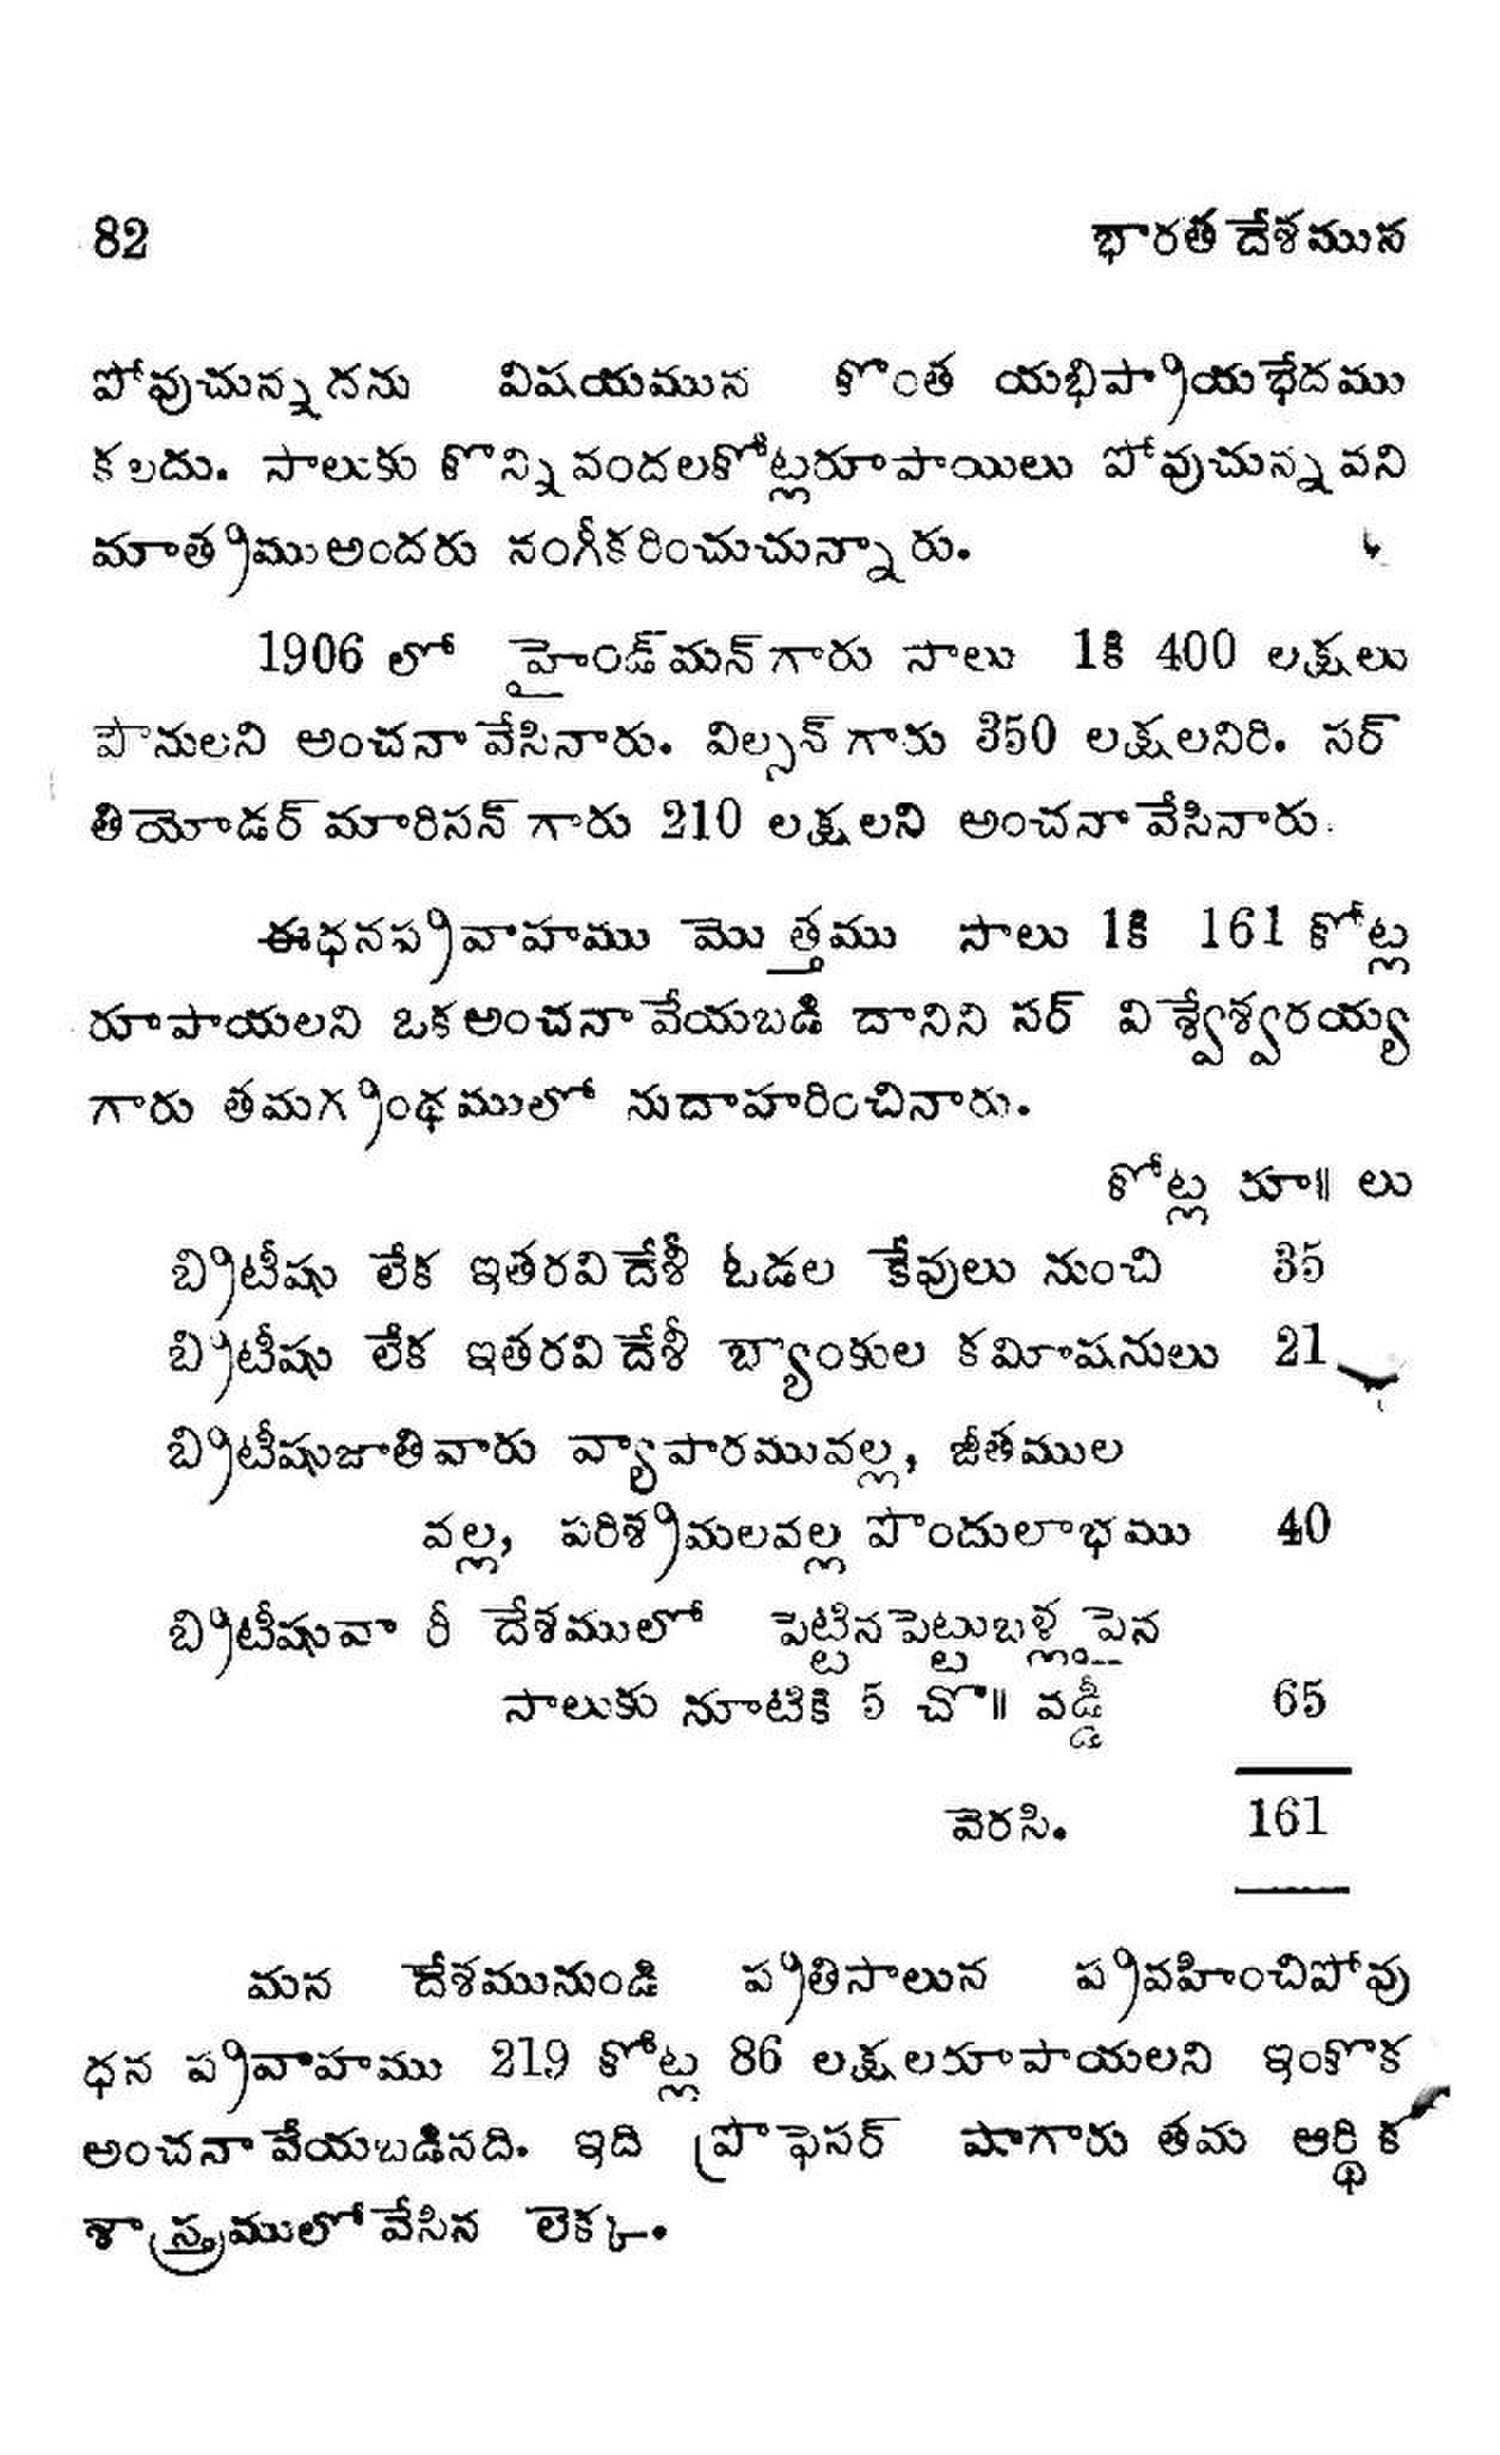పోవుచున్నదను విషయమున కొంత యభిప్రాయభేదము కలదు. సాలుకు కొన్ని వందలకోట్ల రూపాయిలు పోవుచున్నవని మాత్రము అందరు నంగీకరించుచున్నారు.

1906 లో హైండ్‌మన్‌గారు సాలు 1కి 400 లక్షలు పౌనులని అంచనావేసినారు. విల్సన్ గారు 350 లక్షలనిరి. సర్ తియోడర్ మారిసన్ గారు 210 లక్షలని అంచనా వేసినారు.

ఈధనప్రవాహము మొత్తము సాలు 1కి 161 కోట్ల రూపాయలని ఒక అంచనా వేయబడి దానిని సర్ విశ్వేశ్వరయ్యగారు తమగ్రంథములో నుదాహరించినారు.
 కోట్ల రూ లు బ్రిటీషు లేక ఇతరవిదేశీ ఓడల రేవులు నుంచి 35 బ్రిటీషు లేక ఇతరవిదేశీ బ్యాంకుల కమీషనులు 21 బ్రిటీషుజాతివారు వ్యాపారమువల్ల, జీతములవల్ల, పరిశ్రమలవల్ల పొందులాభము 40 బ్రిటీషువా రీ దేశములో పెట్టినపెట్టుబళ్లపైన సాలుకు నూటికి 5 చొ. వడ్డీ 65 వెరసి. 161

మన దేశమునుండి ప్రతిసాలున ప్రవహించిపోవు ధన ప్రవాహము 219 కోట్ల 86 లక్షలరూపాయలని ఇంకొక
అంచనావేయబడినది. ఇది ప్రొఫెసర్ షాగారు తమ ఆర్థిక శాస్త్రములో వేసిన లెక్క.